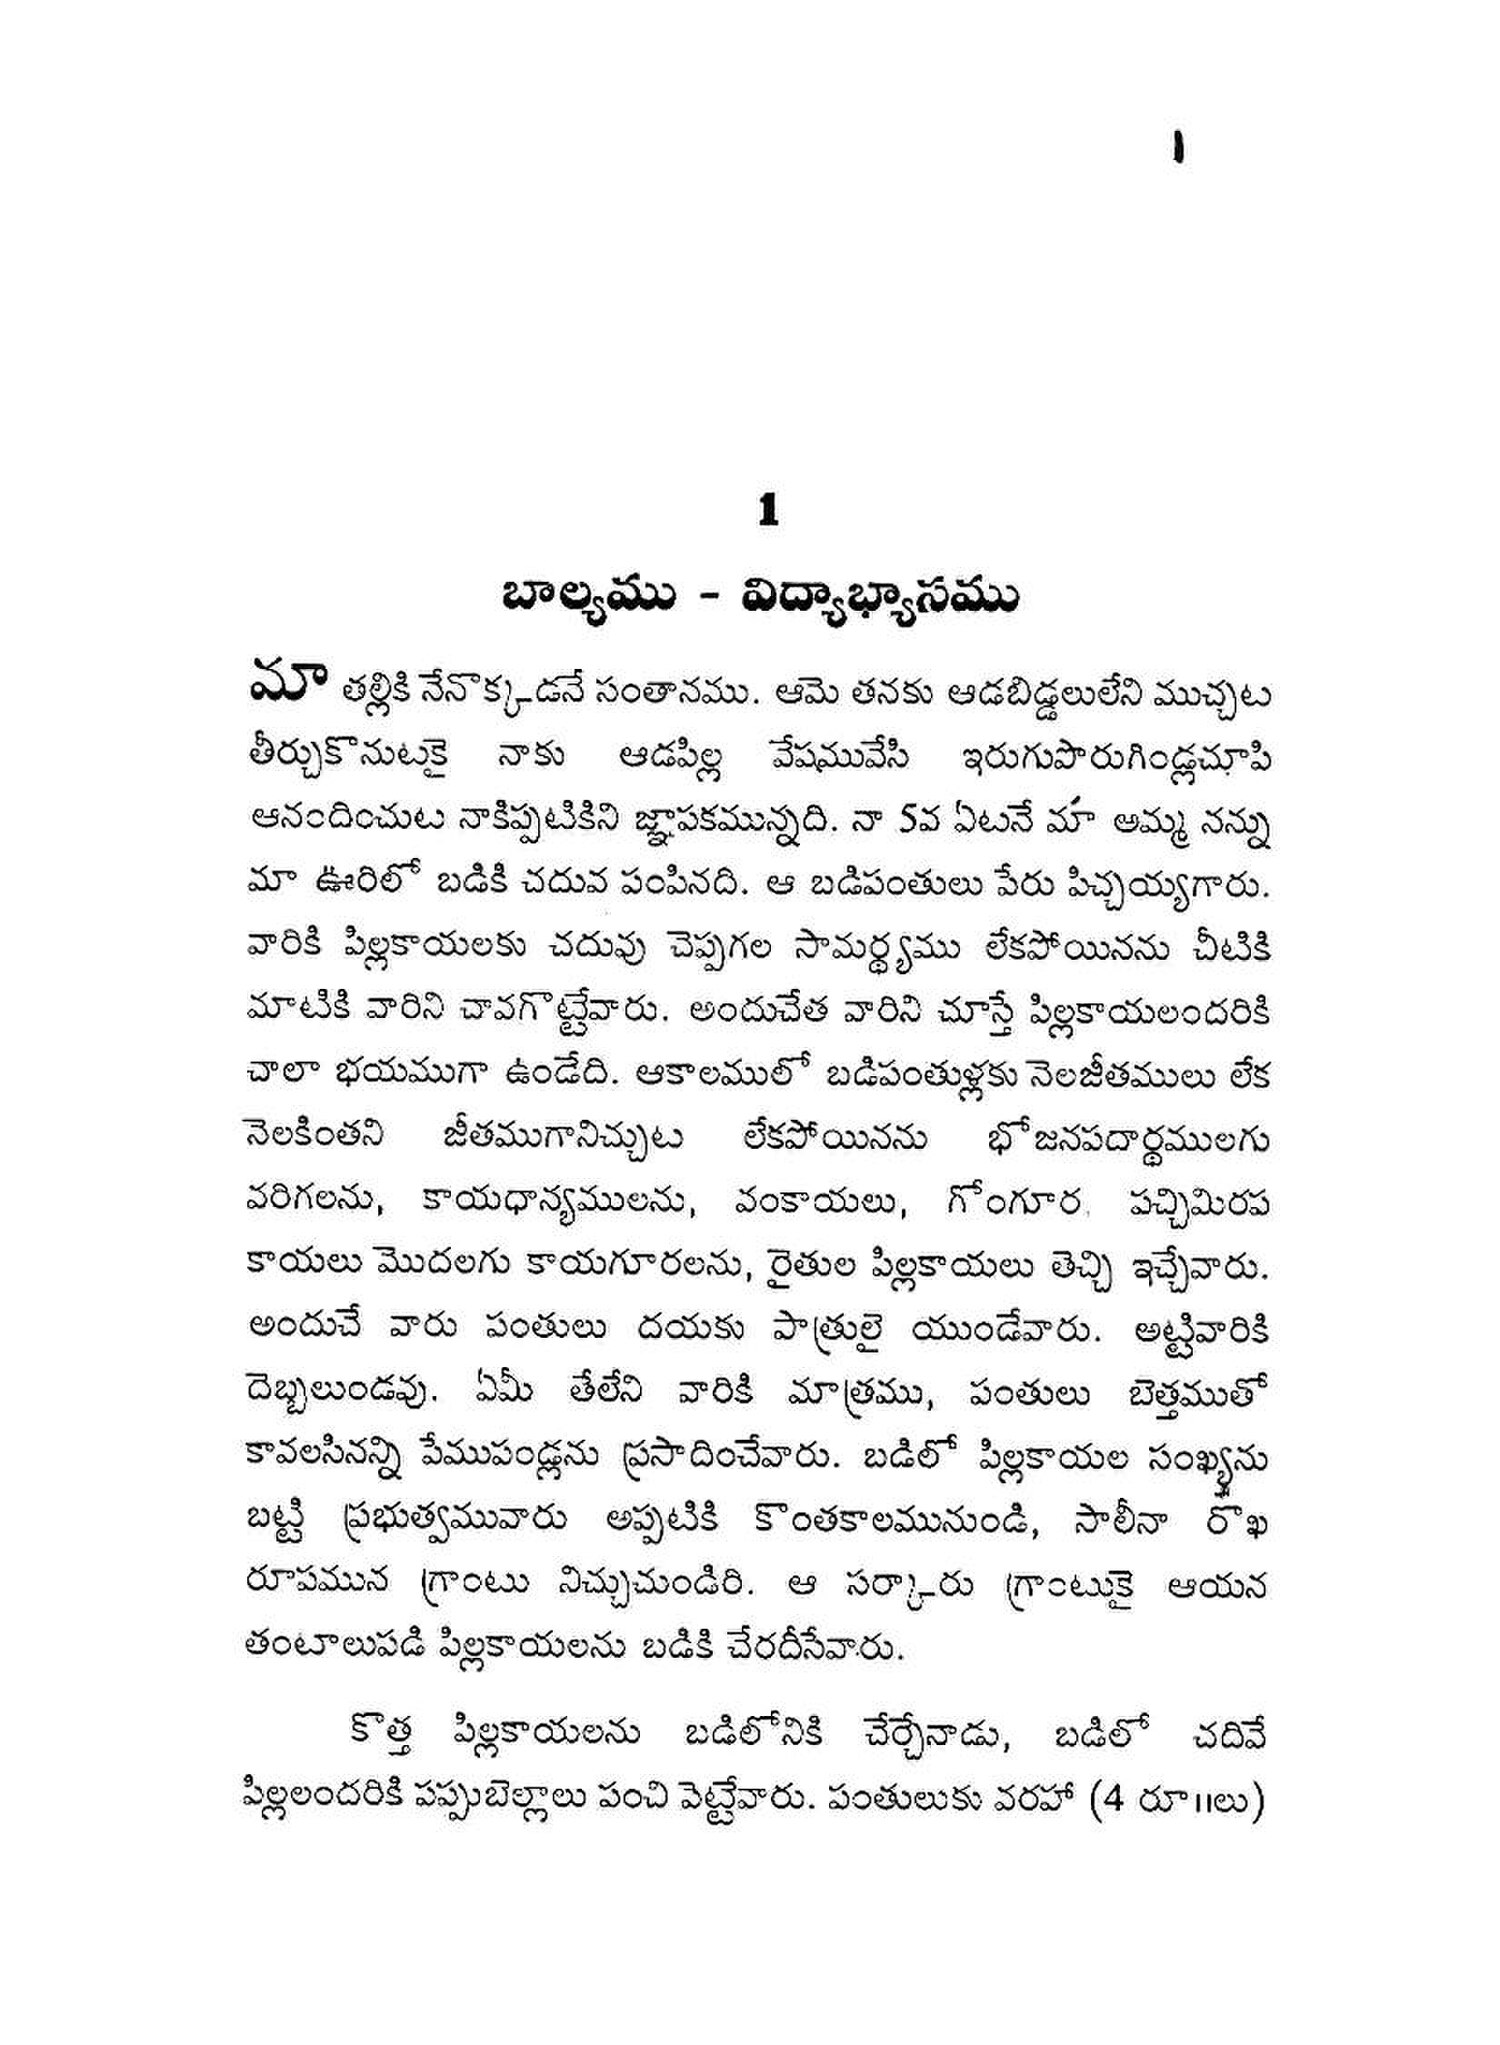మా తల్లికి నేనొక్కడనే సంతానము. ఆమె తనకు ఆడబిడ్డలులేని ముచ్చట తీర్చుకొనుటకై నాకు ఆడపిల్ల వేషమువేసి ఇరుగుపొరుగిండ్లచూపి ఆనందించుట నాకిప్పటికిని జ్ఞాపకమున్నది. నా 5వ ఏటనే మా అమ్మ నన్ను మా ఊరిలో బడికి చదువ పంపినది. ఆ బడిపంతులు పేరు పిచ్చయ్యగారు. వారికి పిల్లకాయలకు చదువు చెప్పగల సామర్థ్యము లేకపోయినను చీటికి మాటికి వారిని చావగొట్టేవారు. అందుచేత వారిని చూస్తే పిల్లకాయలందరికి చాలా భయముగా ఉండేది. ఆకాలములో బడిపంతుళ్లకు నెలజీతములు లేక నెలకింతని జీతముగానిచ్చుట లేకపోయినను భోజనపదార్థములగు వరిగలను, కాయధాన్యములను, వంకాయలు, గోంగూర పచ్చిమిరప కాయలు మొదలగు కాయగూరలను, రైతుల పిల్లకాయలు తెచ్చి ఇచ్చేవారు. అందుచే వారు పంతులు దయకు పాత్రులై యుండేవారు. అట్టివారికి దెబ్బలుండవు. ఏమీ తేలేని వారికి మాత్రము, పంతులు బెత్తముతో కావలసినన్ని పేముపండ్లను ప్రసాదించేవారు. బడిలో పిల్లకాయల సంఖ్యను బట్టి ప్రభుత్వమువారు అప్పటికి కొంతకాలమునుండి, సాలీనా రొఖ రూపమున గ్రాంటు నిచ్చుచుండిరి. ఆ సర్కారు గ్రాంటుకై ఆయన తంటాలుపడి పిల్లకాయలను బడికి చేరదీసేవారు.

కొత్త పిల్లకాయలను బడిలోనికి చేర్చేనాడు, బడిలో చదివే పిల్లలందరికి పప్పుబెల్లాలు పంచి పెట్టేవారు. పంతులుకు వరహా (4 రూIIలు)